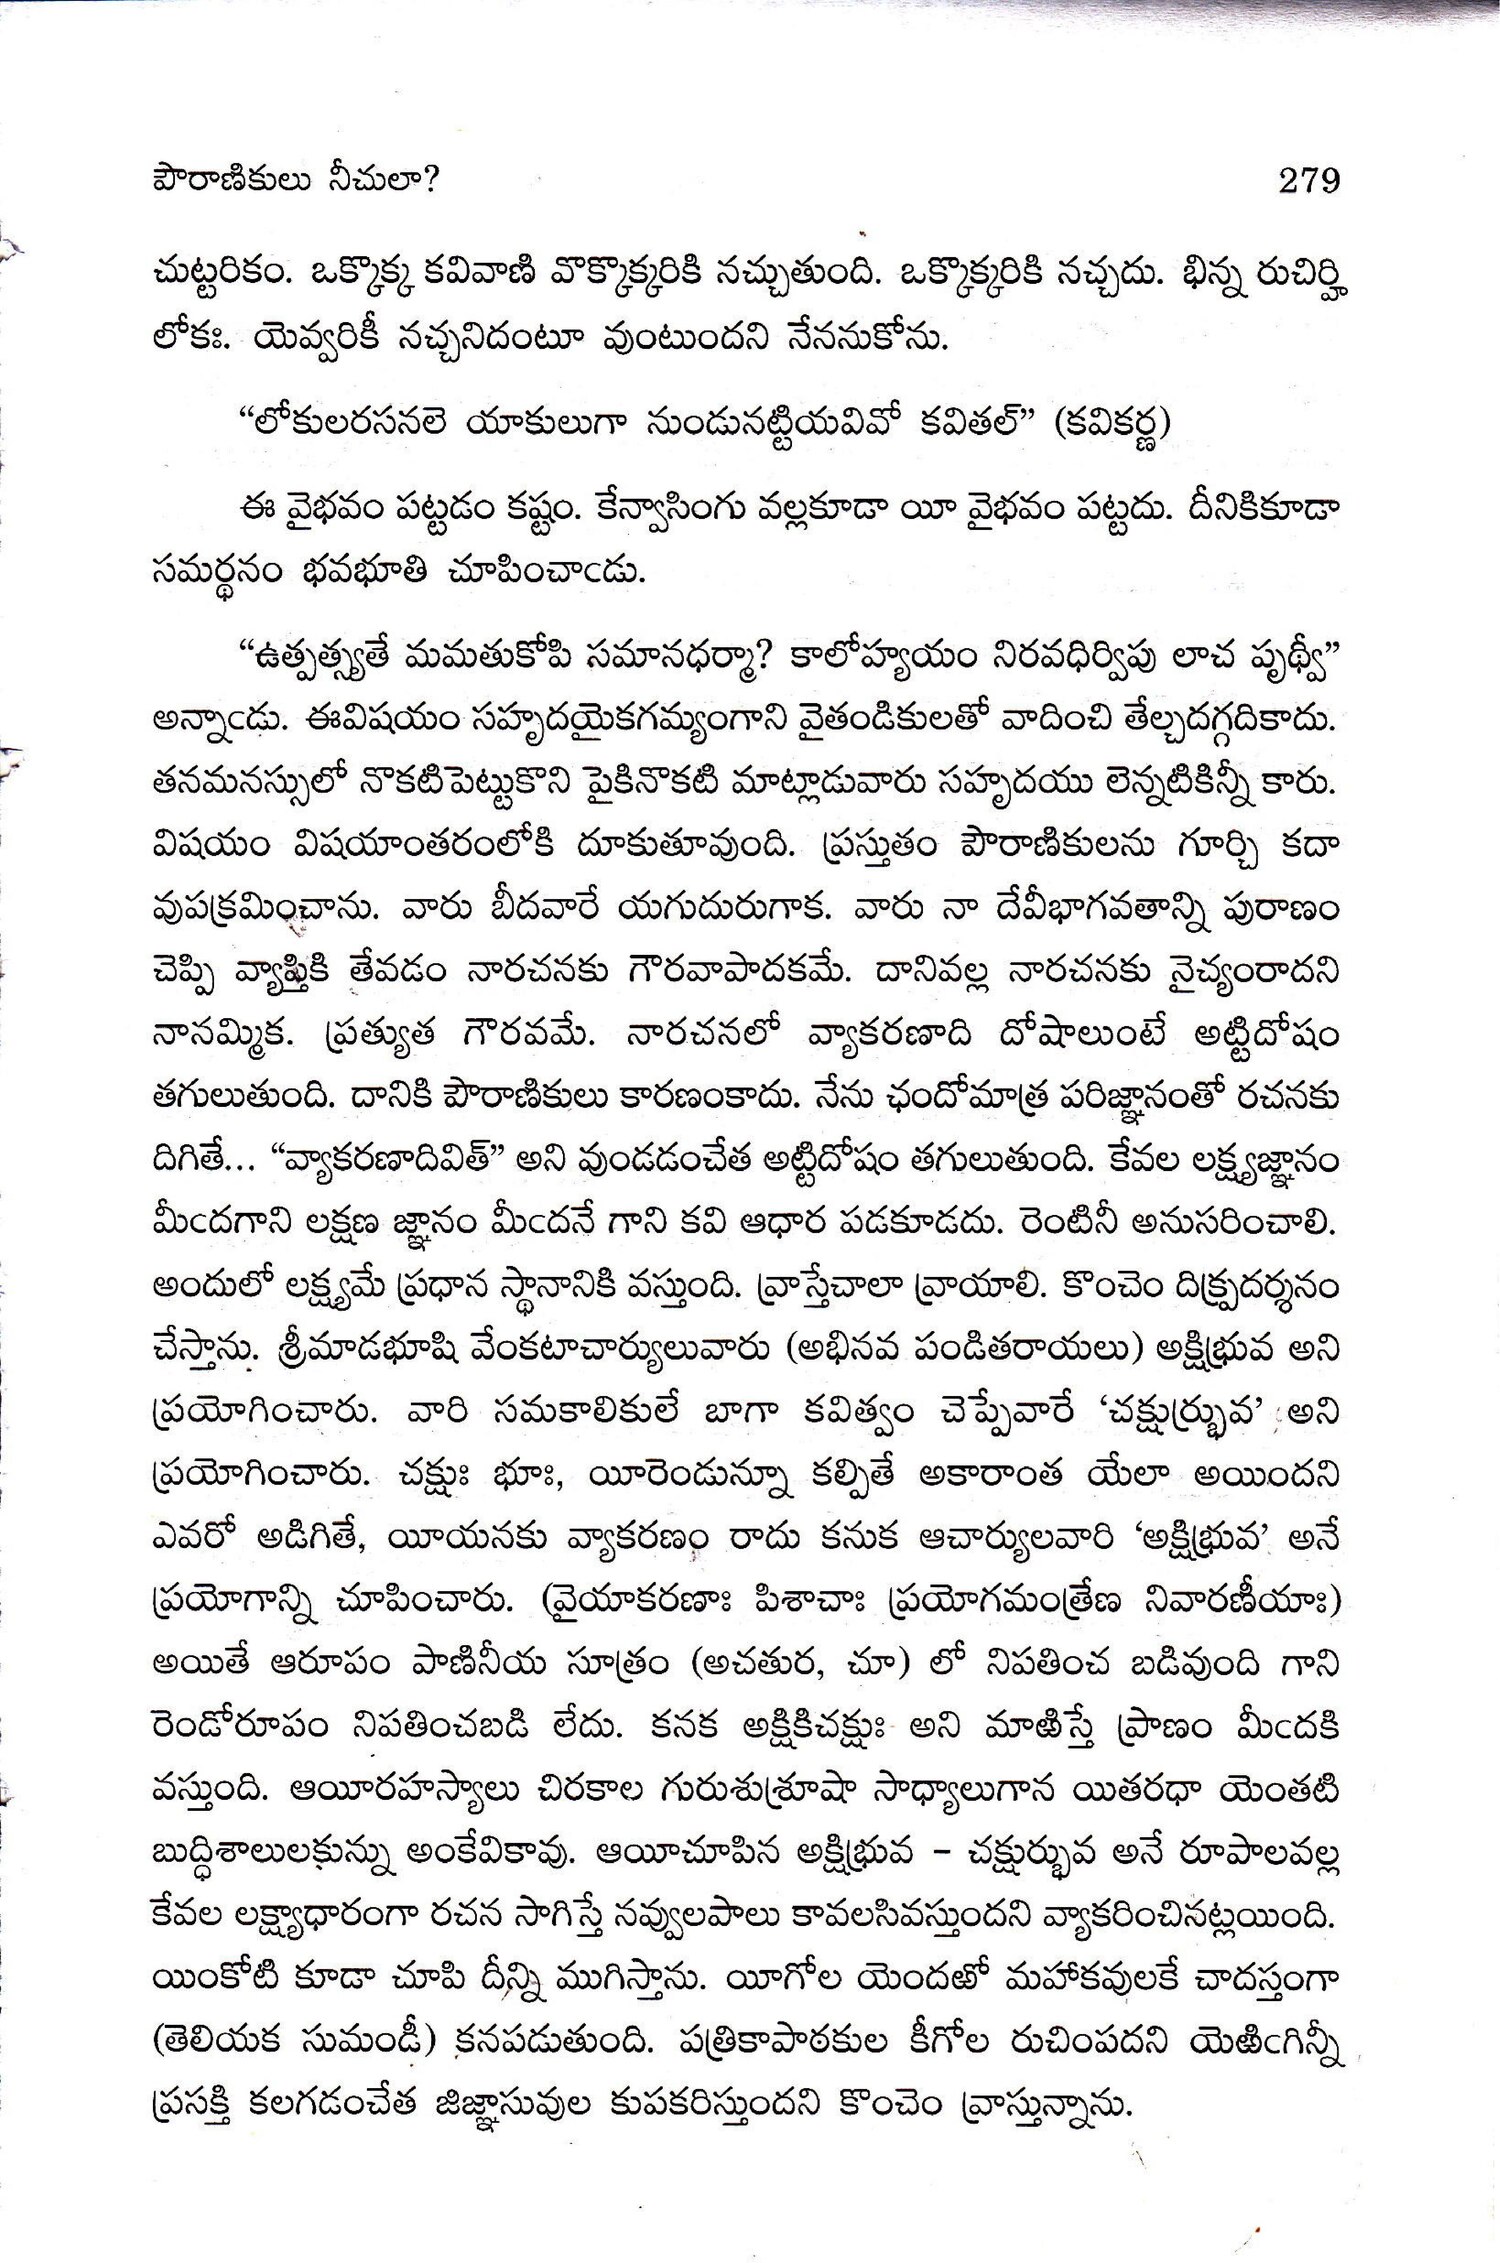చుట్టరికం. ఒక్కొక్క కవివాణి వొక్కొక్కరికి నచ్చుతుంది. ఒక్కొక్కరికి నచ్చదు. భిన్న రుచిర్హి లోకః యెవ్వరికీ నచ్చనిదంటూ వుంటుందని నేననుకోను.

"లోకులరసనలె యాకులుగా నుండునట్టియవివో కవితల్" (కవికర్ణ)
ఈ వైభవం పట్టడం కష్టం. కేన్వాసింగు వల్లకూడా యీ వైభవం పట్టదు. దీనికికూడా సమర్ధనం భవభూతి చూపించాఁడు.

“ఉత్పత్స్యతే మమతుకోపి సమానధర్మా కాలోహ్యయం నిరవధిర్విపు లాచ పృథ్వీ" అన్నాఁడు. ఈవిషయం సహృదయైకగమ్యంగాని వైతండికులతో వాదించి తేల్చదగ్గదికాదు. తనమనస్సులో నొకటిపెట్టుకొని పైకినొకటి మాట్లాడువారు సహృదయు లెన్నటికిన్నీ కారు. విషయం విషయాంతరంలోకి దూకుతూవుంది. ప్రస్తుతం పౌరాణికులను గూర్చి కదా వుపక్రమించాను. వారు బీదవారే యగుదురుగాక. వారు నా దేవీభాగవతాన్ని పురాణం చెప్పి వ్యాప్తికి తేవడం నారచనకు గౌరవాపాదకమే. దానివల్ల నారచనకు నైచ్యంరాదని నానమ్మిక. ప్రత్యుత గౌరవమే. నారచనలో వ్యాకరణాది దోషాలుంటే అట్టిదోషం తగులుతుంది. దానికి పౌరాణికులు కారణంకాదు. నేను ఛందోమాత్ర పరిజ్ఞానంతో రచనకు దిగితే... "వ్యాకరణాదివిత్" అని వుండడంచేత అట్టిదోషం తగులుతుంది. కేవల లక్ష్యజ్ఞానం మీఁదగాని లక్షణ జ్ఞానం మీఁదనే గాని కవి ఆధార పడకూడదు. రెంటినీ అనుసరించాలి. అందులో లక్ష్యమే ప్రధాన స్థానానికి వస్తుంది. వ్రాస్తేచాలా వ్రాయాలి. కొంచెం దిక్ప్రదర్శనం చేస్తాను. శ్రీమాడభూషి వేంకటాచార్యులువారు (అభినవ పండితరాయలు) అక్షిభ్రువ అని ప్రయోగించారు. వారి సమకాలికులే బాగా కవిత్వం చెప్పేవారే 'చక్షుర్ర్భువ' అని ప్రయోగించారు. చక్షుః భూః, యీ రెండున్నూ కల్పితే అకారాంత యేలా అయిందని ఎవరో అడిగితే, యీయనకు వ్యాకరణం రాదు కనుక ఆచార్యులవారి 'అక్షిభ్రువ' అనే ప్రయోగాన్ని చూపించారు. (వైయాకరణాః పిశాచాః ప్రయోగమంత్రేణ నివారణీయాః) అయితే ఆరూపం పాణినీయ సూత్రం (అచతుర, చూ) లో నిపతించ బడివుంది గాని రెండోరూపం నిపతించబడి లేదు. కనక అక్షికిచక్షుః అని మాఱిస్తే ప్రాణం మీఁదకి వస్తుంది. ఆయీరహస్యాలు చిరకాల గురుశుశ్రూషా సాధ్యాలుగాన యితరధా యెంతటి బుద్ధిశాలులకున్ను అంకేవికావు. ఆయీచూపిన అక్షిభ్రువ - చక్షుర్భువ అనే రూపాలవల్ల కేవల లక్ష్యాధారంగా రచన సాగిస్తే నవ్వులపాలు కావలసివస్తుందని వ్యాకరించినట్లయింది. యింకోటి కూడా చూపి దీన్ని ముగిస్తాను. యీగోల యెందఱో మహాకవులకే చాదస్తంగా (తెలియక సుమండీ) కనపడుతుంది. పత్రికాపాఠకుల కీగోల రుచింపదని యెఱిఁగిన్నీ ప్రసక్తి కలగడంచేత జిజ్ఞాసువుల కుపకరిస్తుందని కొంచెం వ్రాస్తున్నాను.